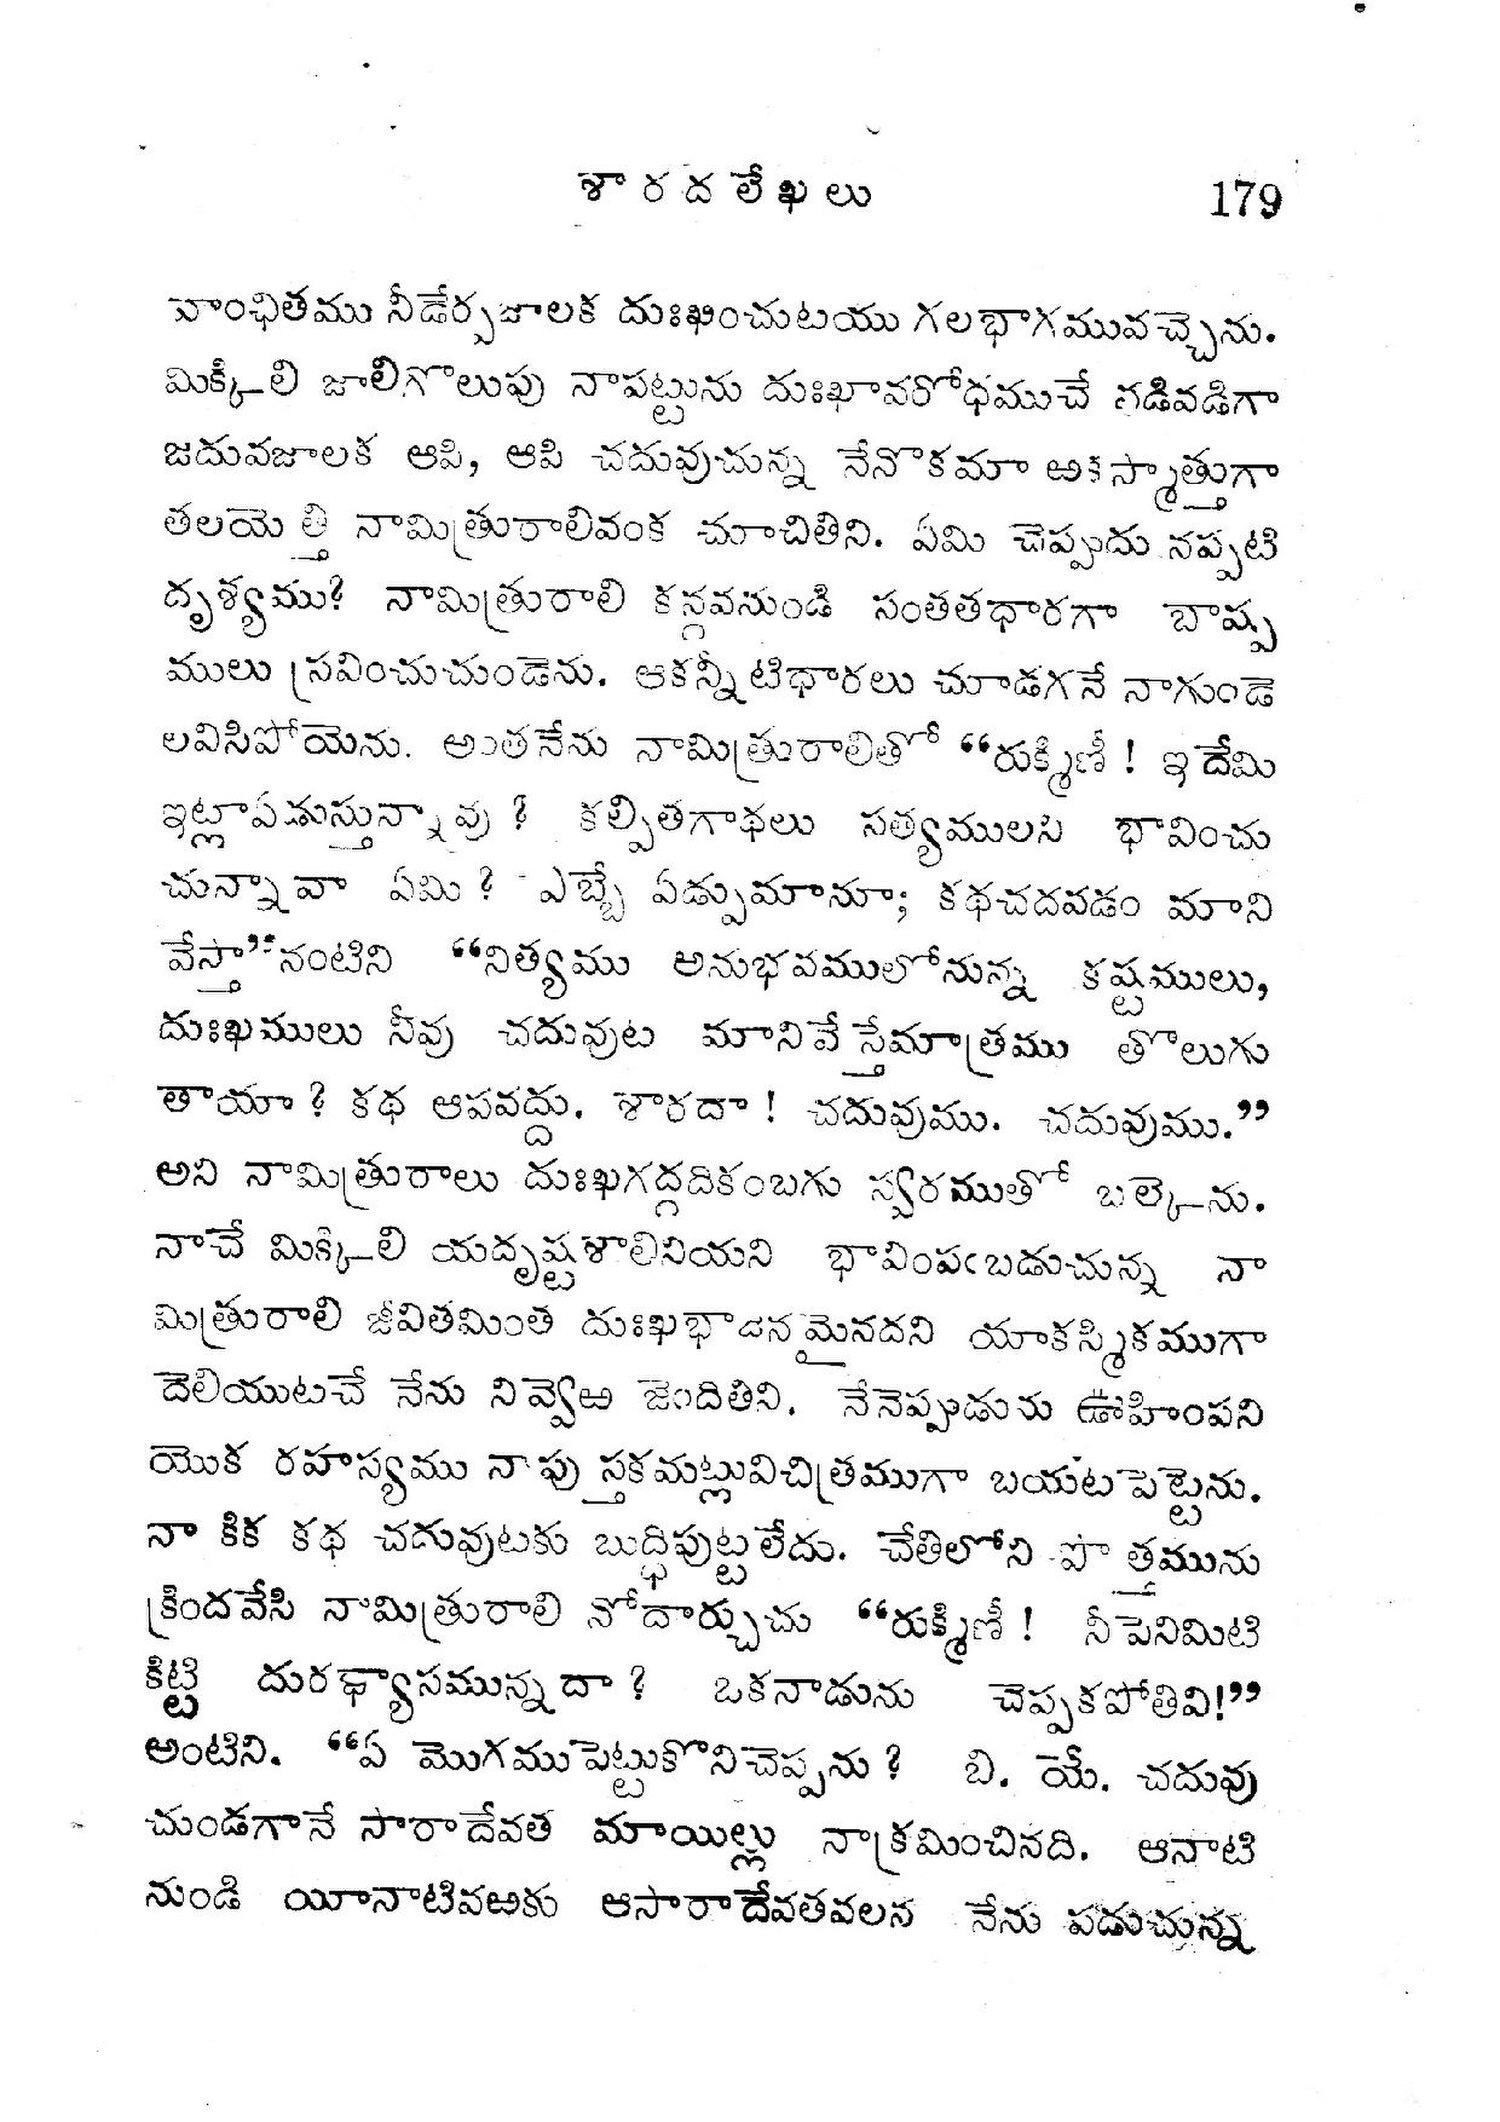వాంఛితము నీడేర్పజాలక దుఃఖించుటయు గలభాగమువచ్చెను. మిక్కిలి జాలిగొలుపు నాపట్టును దుఃఖావరోధముచే వడివడిగా జదువజాలక ఆపి, ఆపి చదువుచున్న నేనొకమా ఱకస్మాత్తుగా తలయెత్తి 
నామిత్రురాలివంక చూచితిని. ఏమి చెప్పుదు నప్పటి దృశ్యము? నామిత్రురాలి కన్గవనుండి సంతతధారగా బాష్పములు స్రవించుచుండెను. ఆకన్నీటిధారలు చూడగనే నాగుండె లవిసిపోయెను. అంతనేను నామిత్రురాలితో “రుక్మిణీ! ఇదేమి ఇట్లాఏడుస్తున్నావు ? కల్పితగాథలు సత్యములని భావించుచున్నావా ఏమి ? ఎబ్బే ఏడ్పుమానూ; కథచదవడం మానివేస్తా” నంటిని "నిత్యము అనుభవములోనున్న కష్టములు,
దుఃఖములు నీవు చదువుట మానివేస్తేమాత్రము తొలుగుతాయా? కథ ఆపవద్దు. శారదా ! చదువుము. చదువుము.” అని నామిత్రురాలు దుఃఖగద్గదికంబగు స్వరముతో బల్కెను. నాచే మిక్కిలి యదృష్టశాలినియని భావింపఁబడుచున్న నామిత్రురాలి జీవితమింత దుఃఖభాజనమైనదని యాకస్మికముగా
దెలియుటచే నేను నివ్వెఱ జెందితిని. నేనెప్పుడును ఊహింపని యొక రహస్యము నాపుస్తకమట్లువిచిత్రముగా బయటపెట్టెను. నా కిక కథ చదువుటకు బుద్ధిపుట్టలేదు. చేతిలోని పొత్తమును
క్రిందవేసి నామిత్రురాలి నోదార్చుచు "రుక్మిణీ ! నీపెనిమిటి కిట్టి దురభ్యాసమున్నదా? ఒకనాడును చెప్పకపోతివి!” అంటిని. “ఏ మొగముపెట్టుకొనిచెప్పను? బి. యే. చదువుచుండగానే సారాదేవత మాయిల్లు నాక్రమించినది. ఆనాటినుండి యీనాటివఱకు ఆసారాదేవతవలన నేను పడుచున్న